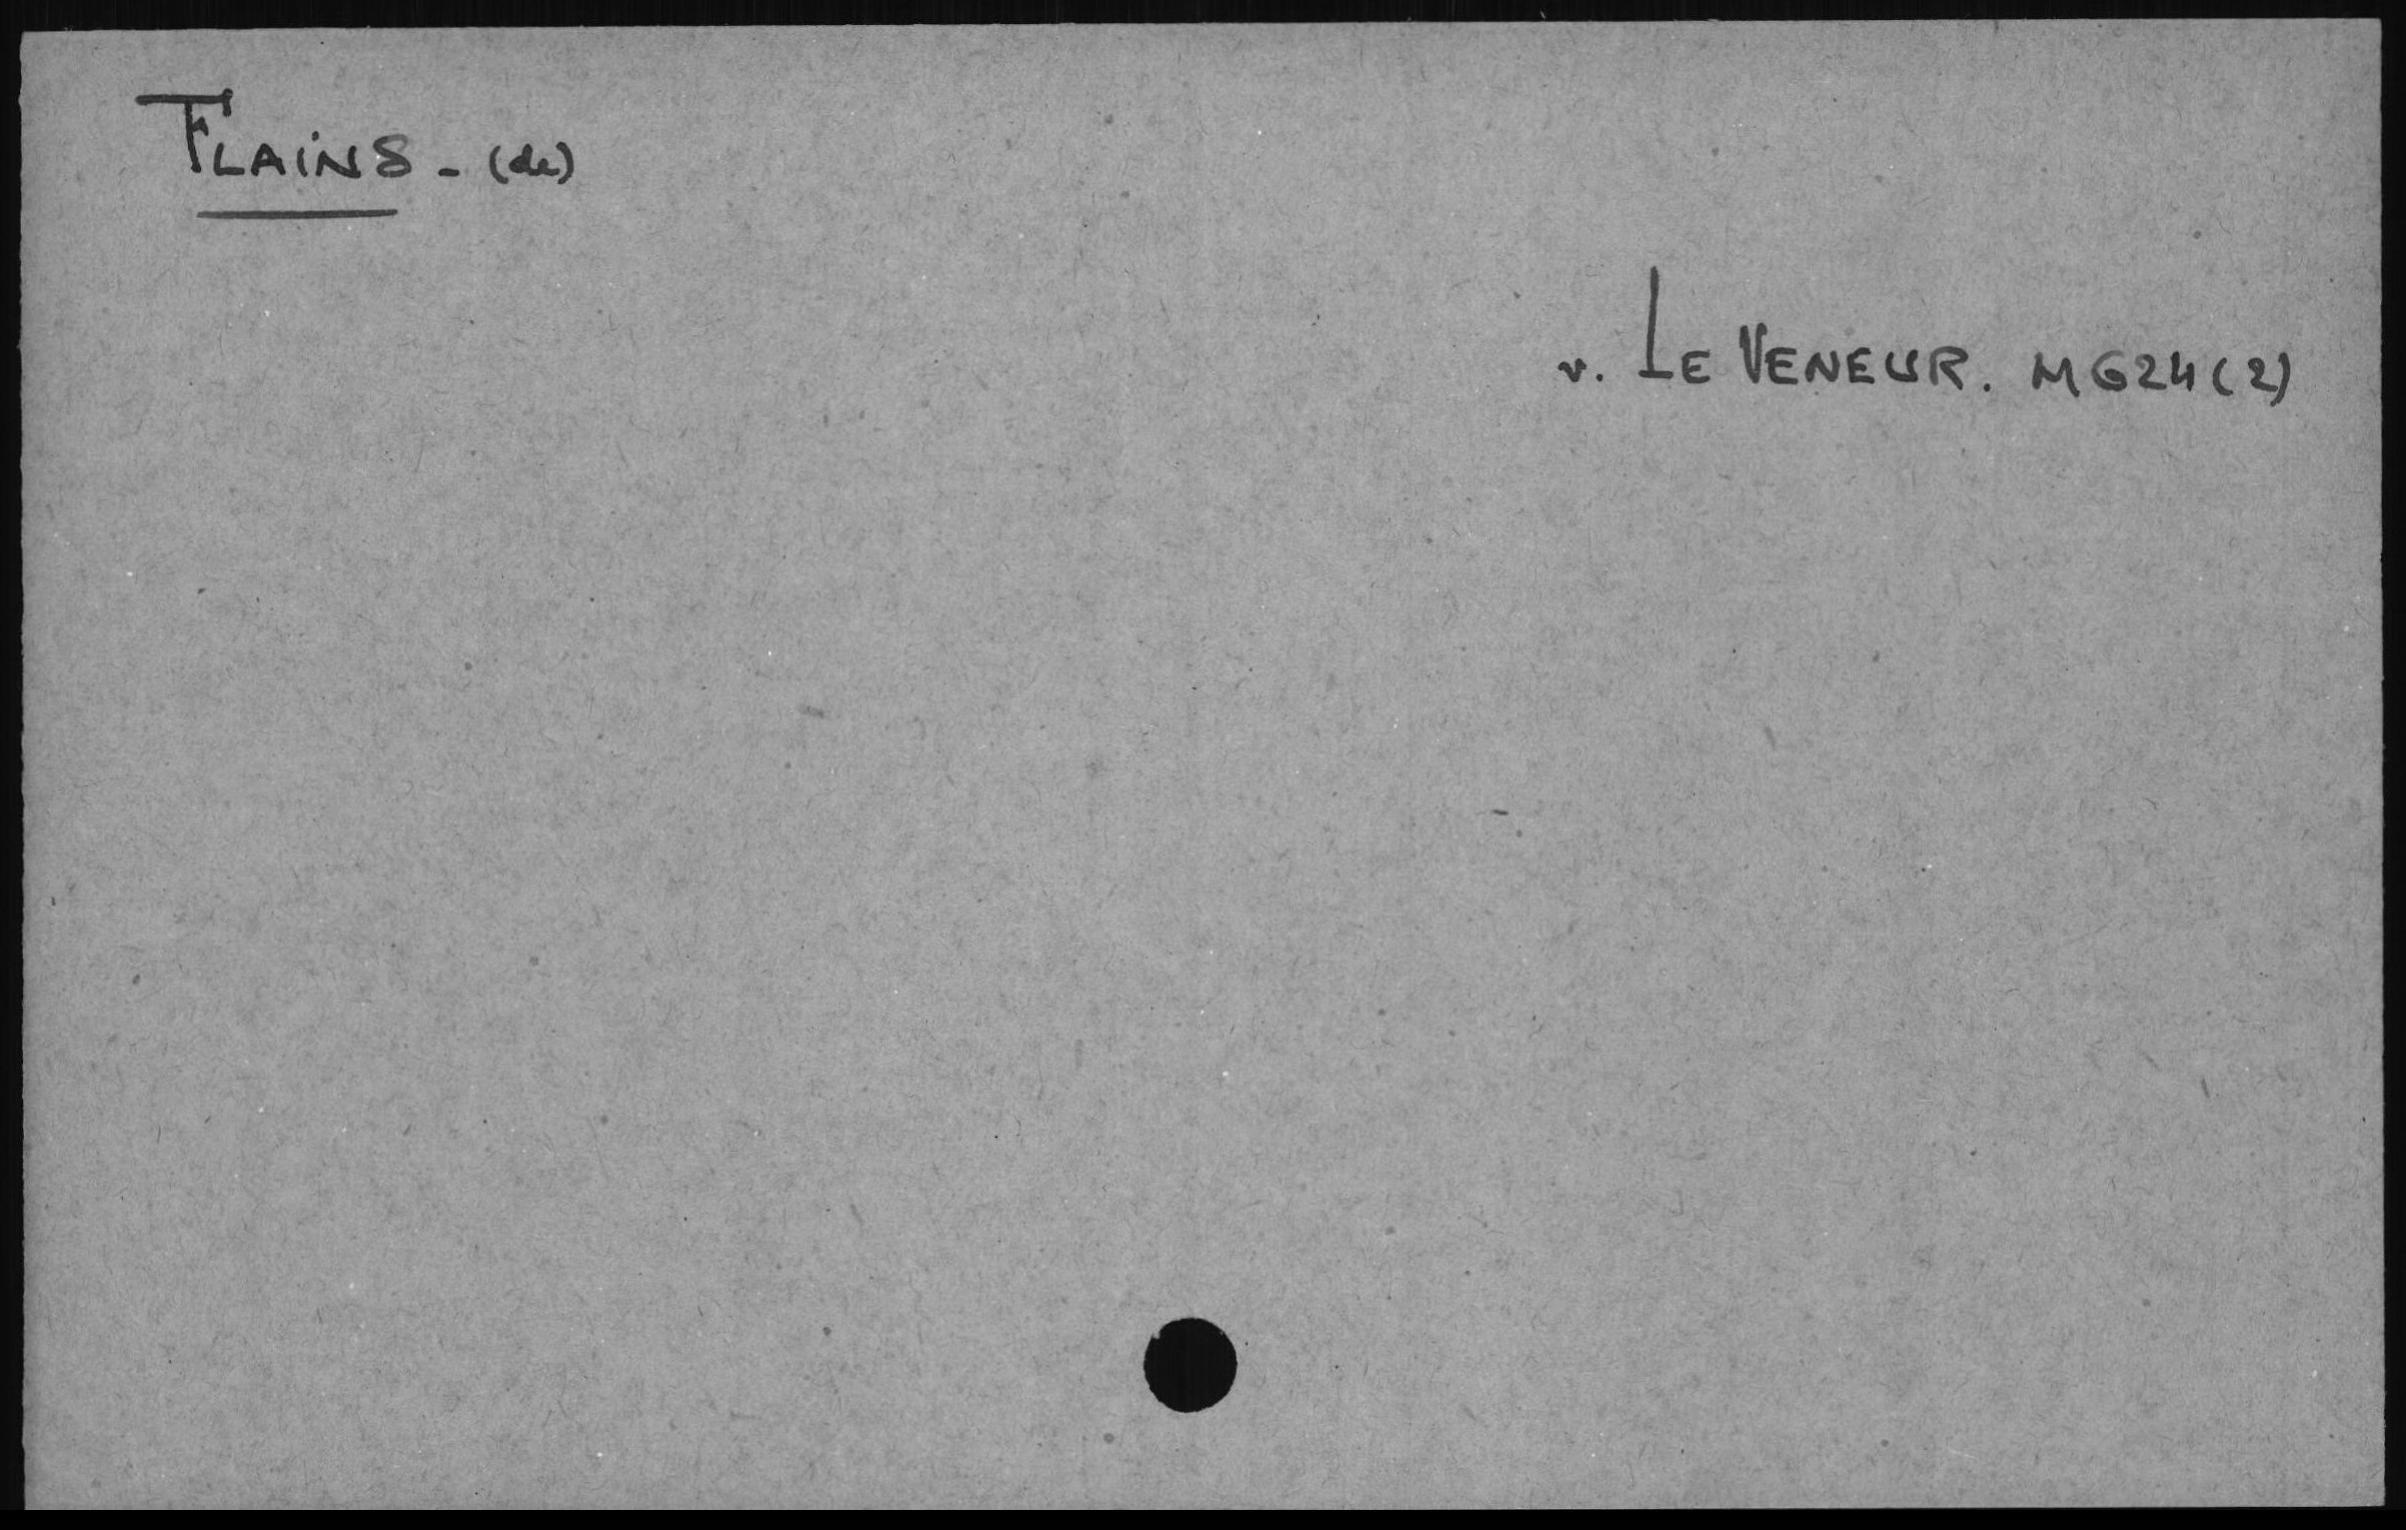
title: FLAINS (de).
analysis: voir : LE VENEUR.
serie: M
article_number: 624
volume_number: (2)
